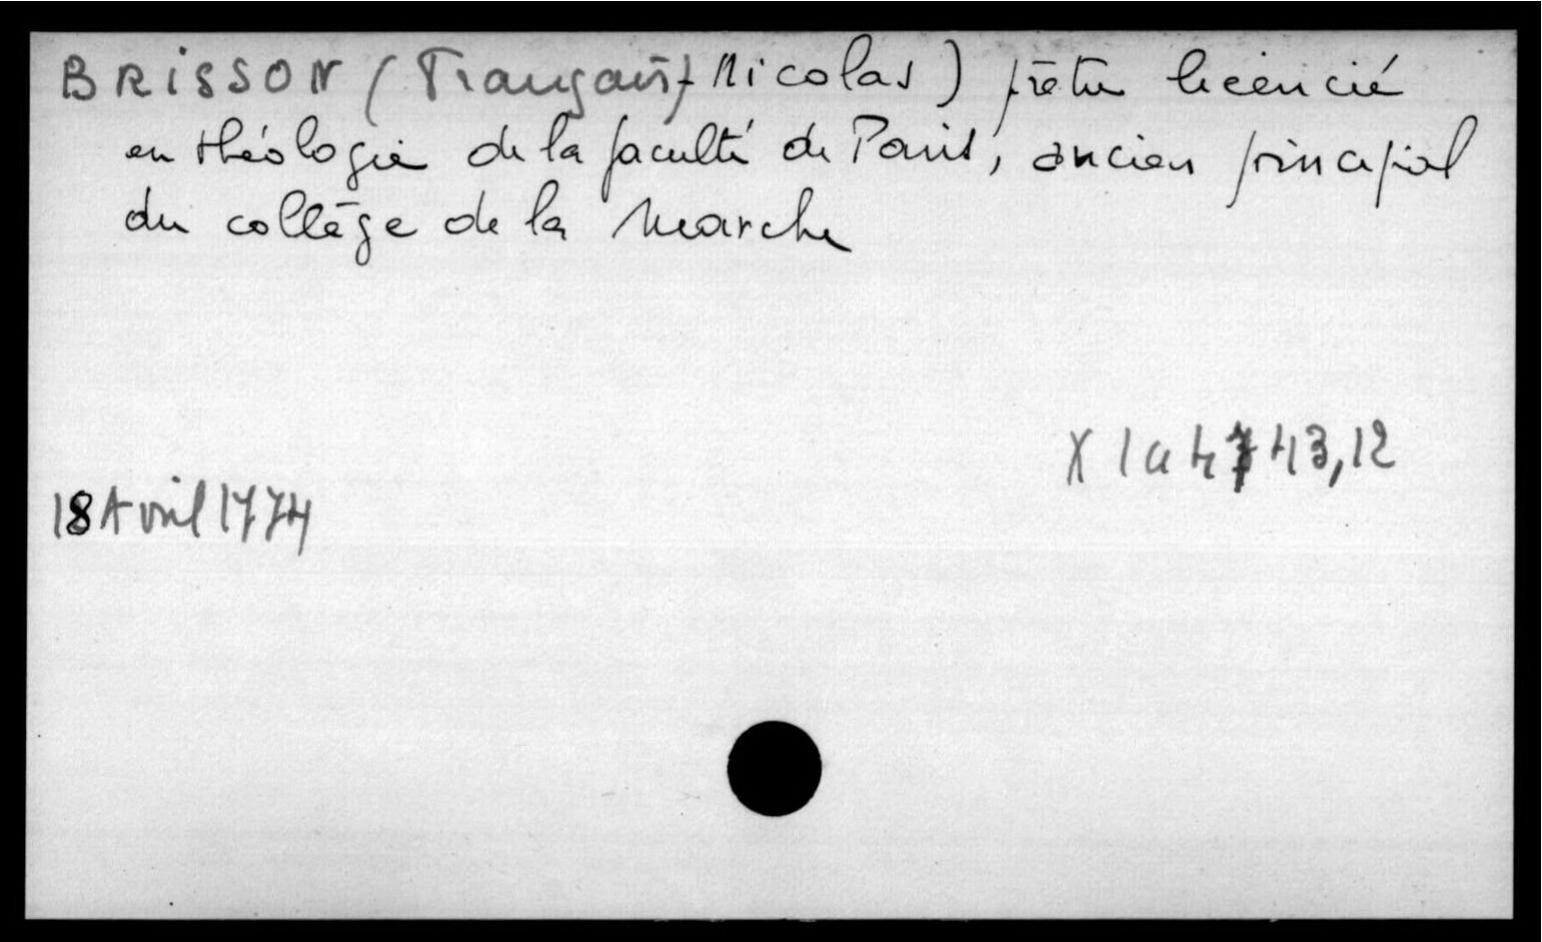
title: BRISSON (François Nicolas) prêtre licencié en théologie de la faculté de Paris, ancien principal du collège de la Marche
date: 18 avril 1774
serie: X1a
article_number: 4743
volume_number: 12
